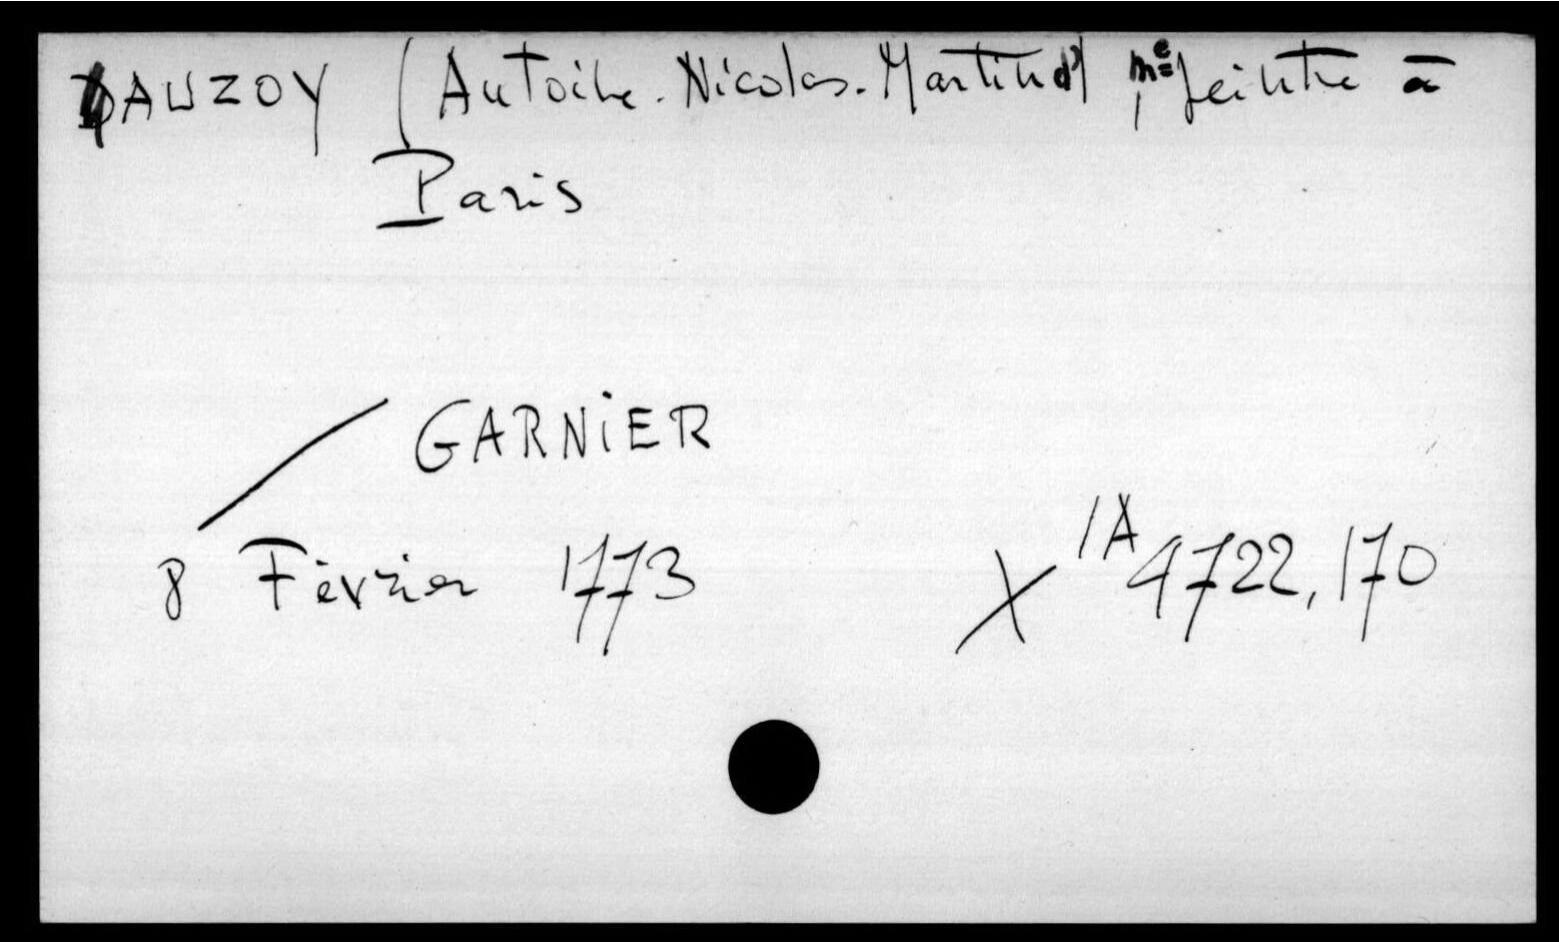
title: AUZOY (Antoine-Nicolas-Martin) maître peintre à Paris
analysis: Contre GARNIER
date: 8 février 1773
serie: X1A
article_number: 4722
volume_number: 170
